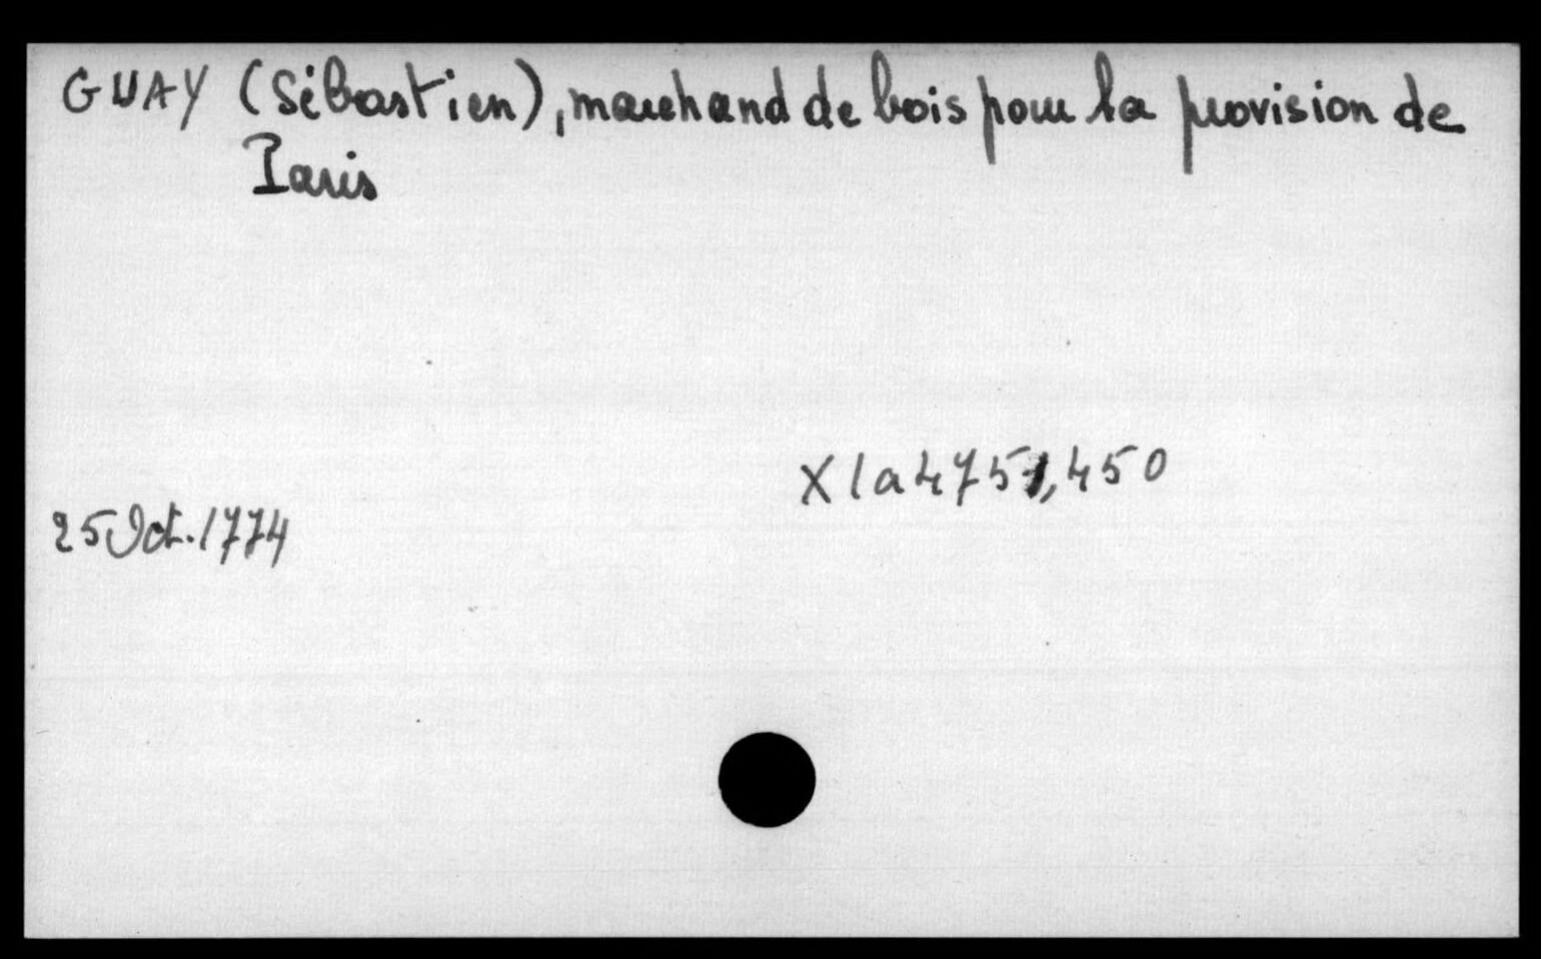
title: GUAY (Sébastien), marchand de bois pour la provision de Paris
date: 25 octobre 1774
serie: X1a
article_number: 4751
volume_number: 450
